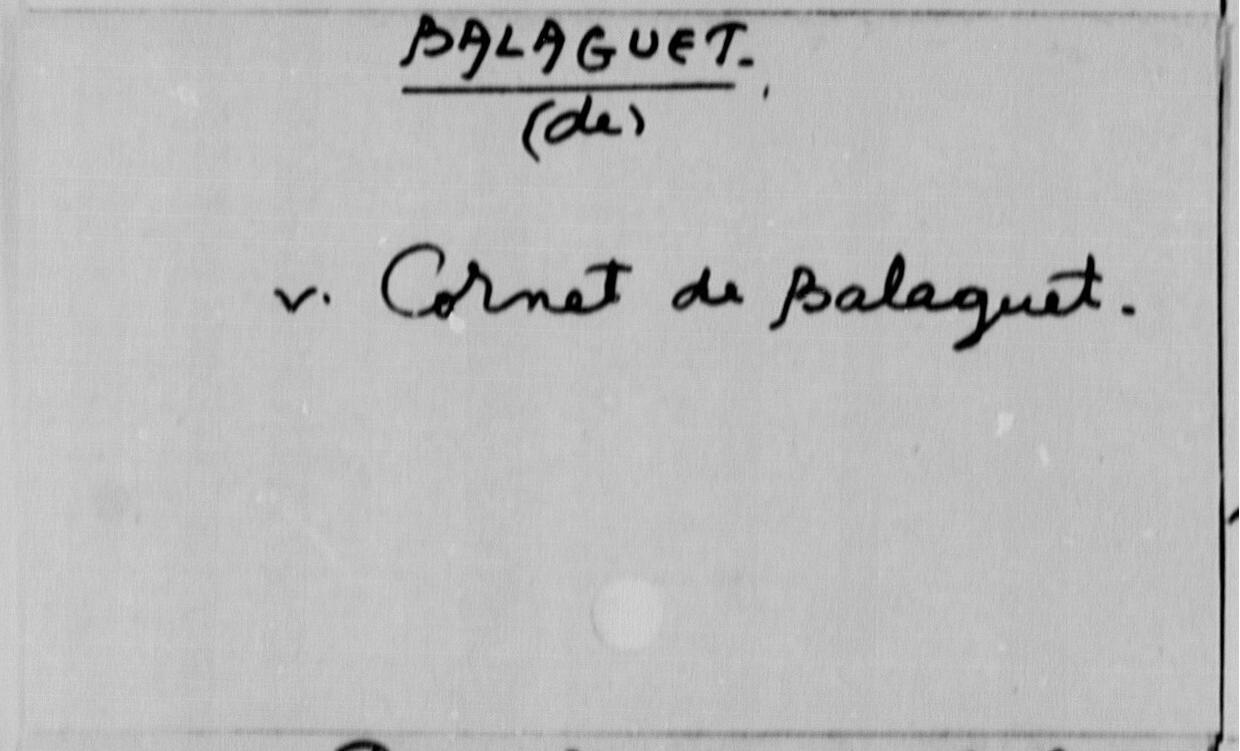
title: BALAGUET (de)
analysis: Voir Cornet de Balaguet.
